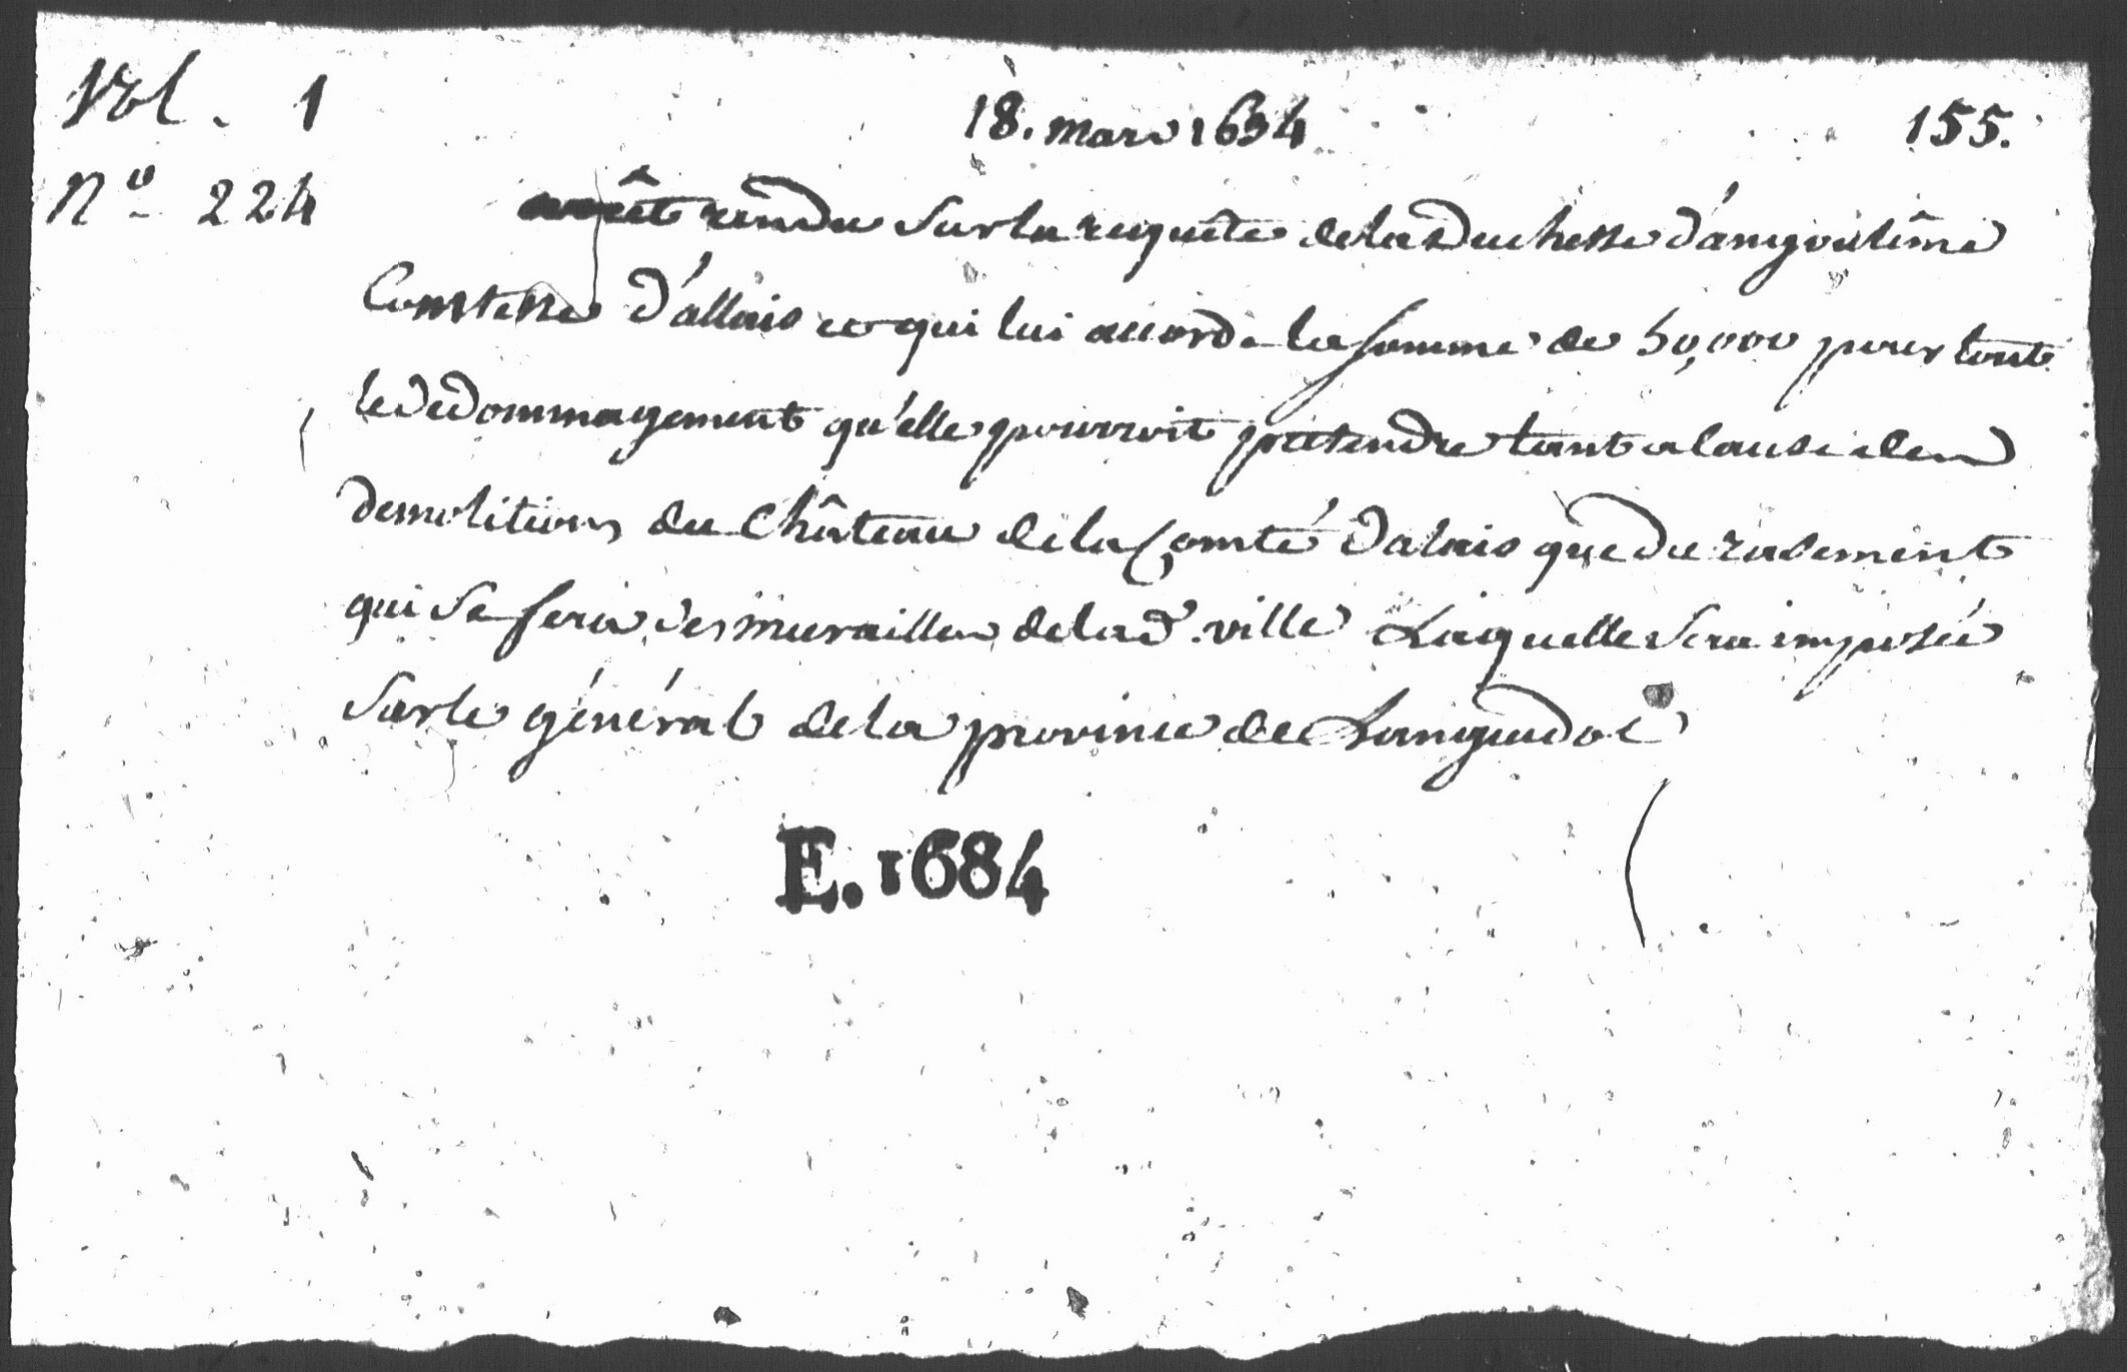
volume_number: n°224
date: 18 mars 1634
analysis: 155
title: arrêt rendu sur la requête de la Duchesse d'angoulême Comtesse d'Allais et qui lui accorde la somme de 50,000 pour tout le dedommagement qu'elle pourroit pretendre tant a cause des demolitions du château de la Comté d'alais que du rasement qui se fera des murailles delad. ville Laquelle sera imposée sur le général de la province de Languedoc
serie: E
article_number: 1684
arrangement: vol. 1
